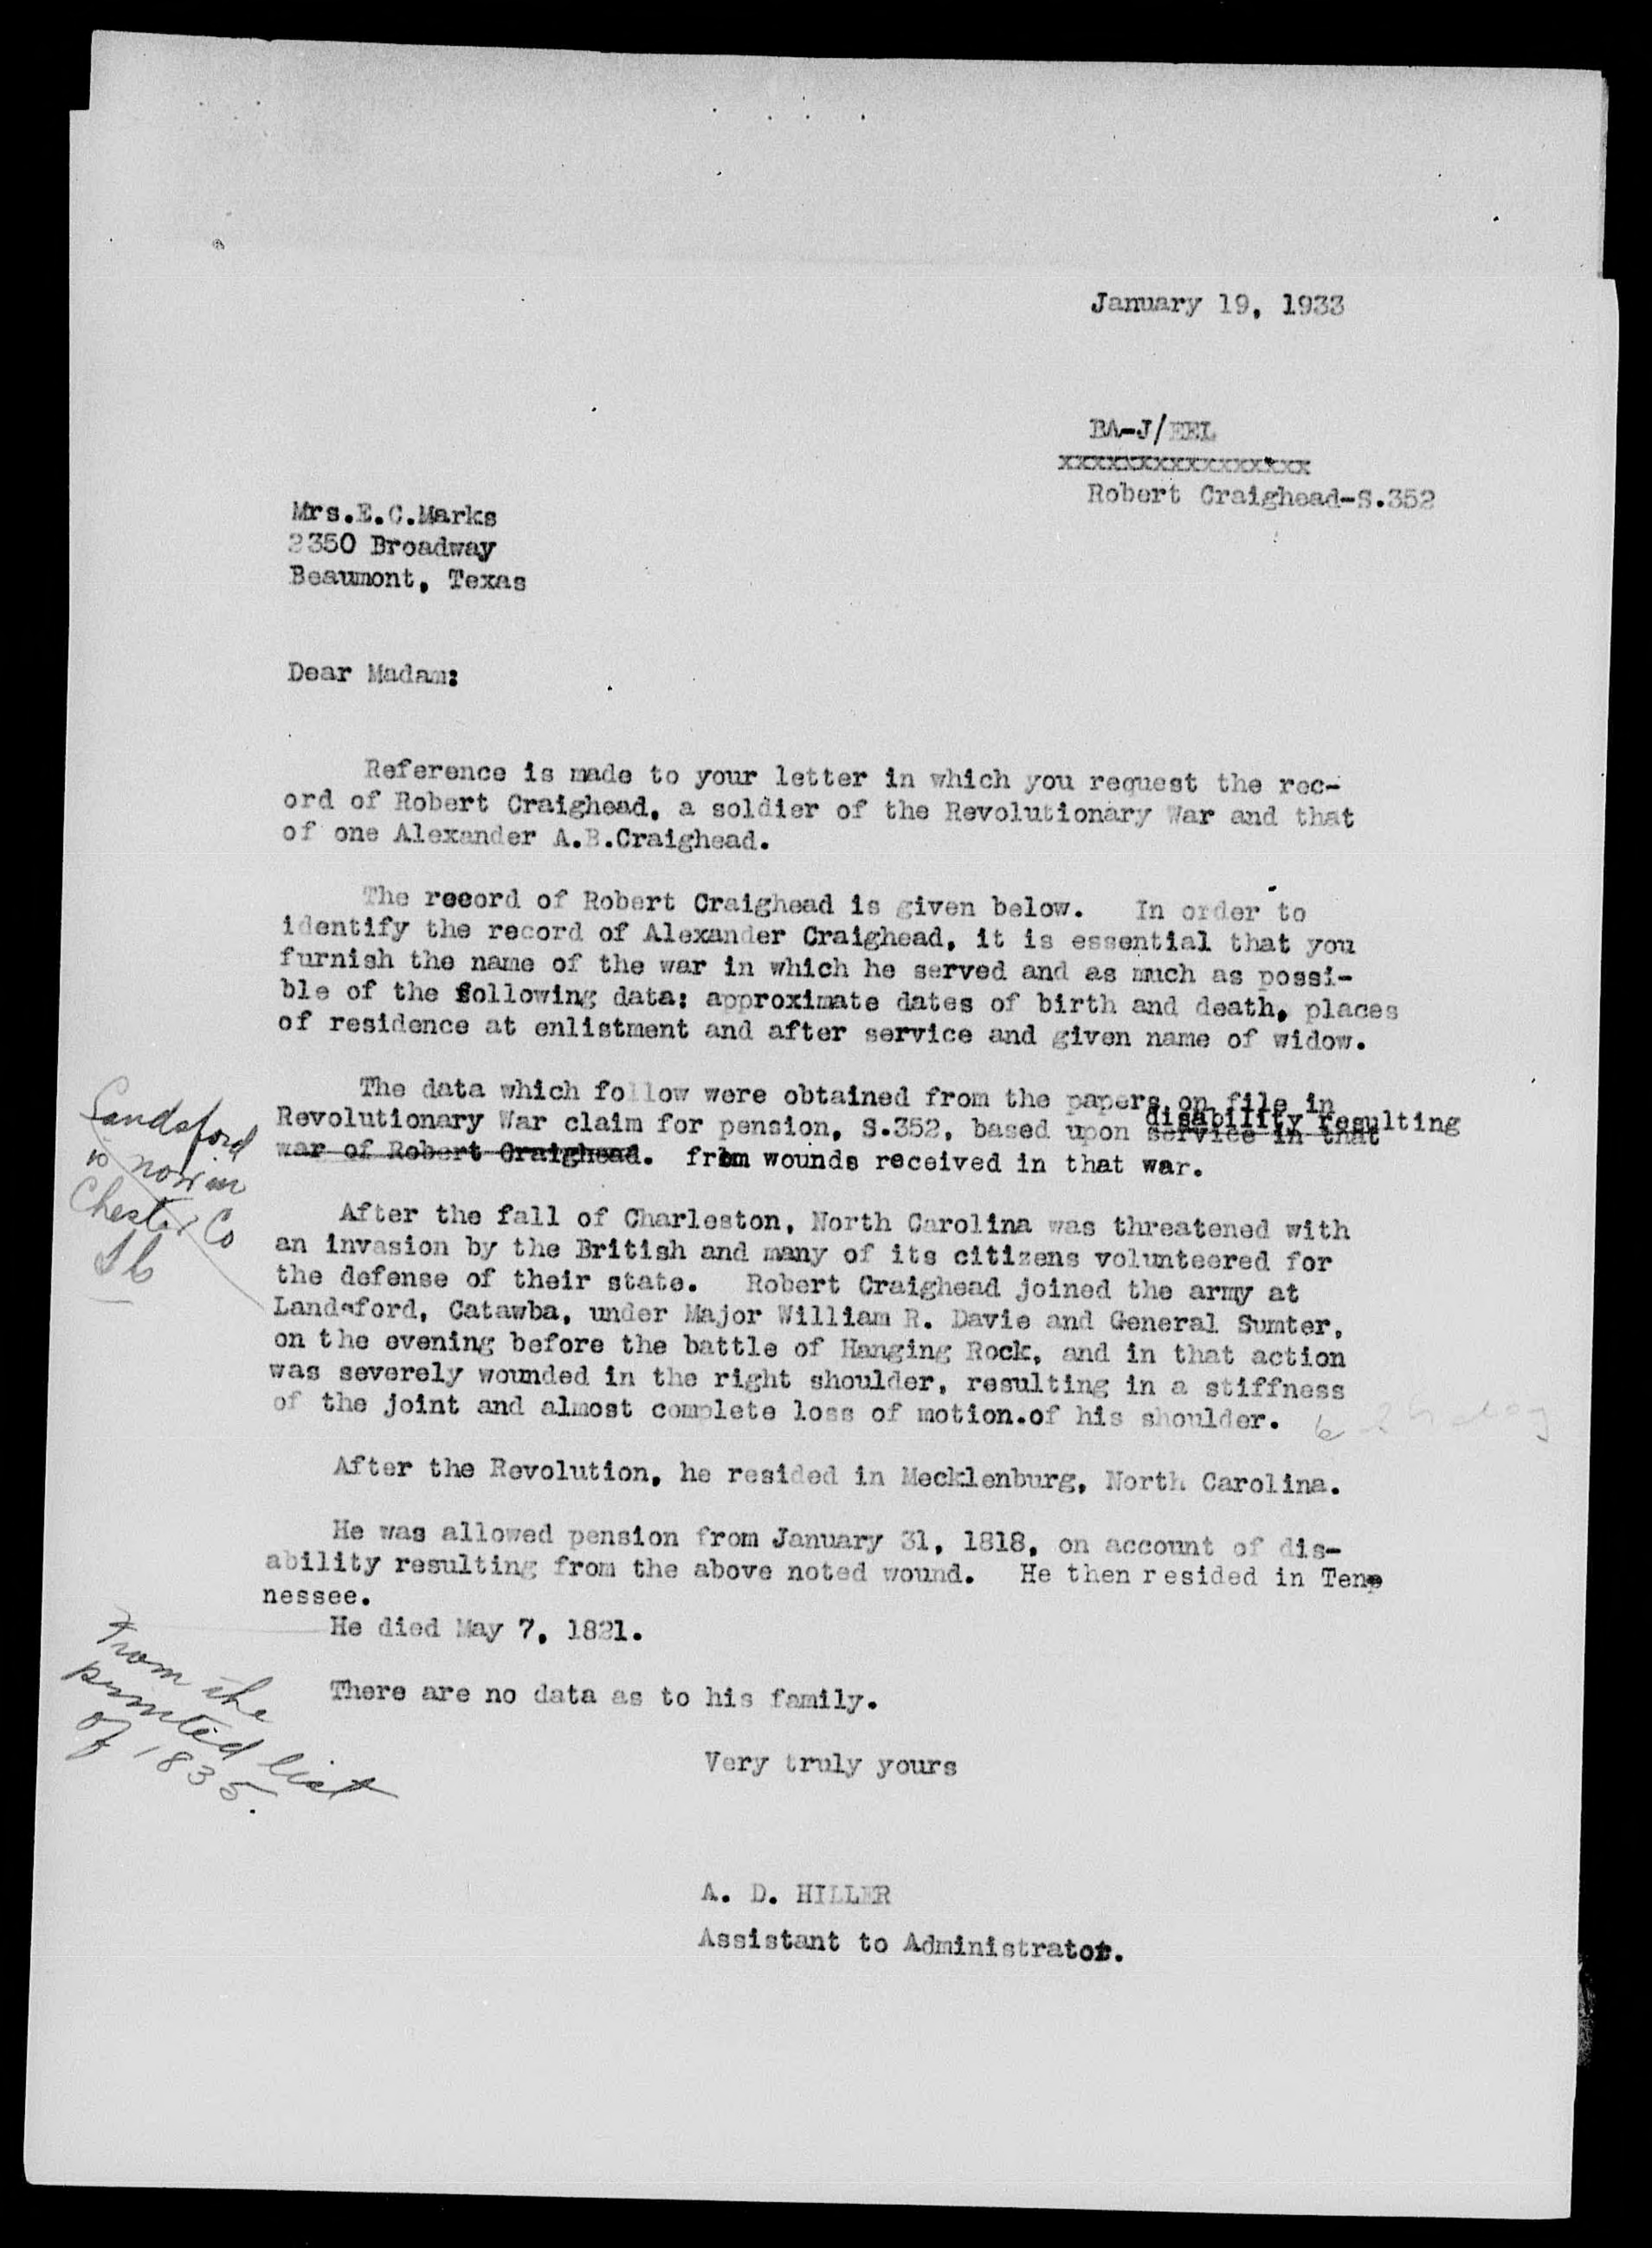January 19, 1933

Mrs. E. C. Marks
3350 Broadway
Beaumont, Texas

BAJ/EEL
XXXXXXXXXXXXXXXXXXXXXXX
Robert Craighead-S.352

Dear Madam:

Reference is made to your letter in which you request the record
of Robert Craighead, a soldier of the Revolutionary War and that
of one Alexander A. B. Craighead.

The record of Robert Craighead is given below. In order to
identify the record of Alexander Craighead, it is essential that you
furnish the name of the war in which he served and as much as possible
of the following data: approximate dates of birth and death, places
of residence at enlistment and after service and given name of widow.

Sandsford
io now in 
Chester Co
(illegible)

The data which follow were obtained from the papers on file in
Revolutionary War claim for pension, S.352, based upon disability resulting
 from wounds received in that war.

After the fall of Charleston, North Carolina was threatened with
an invasion by the British and many of its citizens volunteered for
the defense of their state. Robert Craighead joined the army at
Landsford, Catawba, under Major William R. Davie and General Sumter,
on the evening before the battle of Hanging Rock, and in that action
was severely wounded in the right shoulder, resulting in a stiffness
of the joint and almost complete loss of motion of his shoulder.

After the Revolution, he resided in Mecklenburg, North Carolina.

He was allowed pension from January 31, 1818, on account of disability
resulting from the above noted wound. He then resided in Tennessee.
He died May 7, 1821.
There are no data as to his family.
From the (illegible ) list
of 1835
Very truly yours
the
A. D. HILLER
Assistant to Administrator.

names: Sumter, Alexander Craighead, A D Hiller, Robert Craighead, Robert Craighead, William R Davie, Alexander A B Craighead, E C Marks, Robert Craighead, Robert Craighead, Robert Craighead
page: 25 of 26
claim: survivor's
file: S. 352, Robert Craighead, N.C.